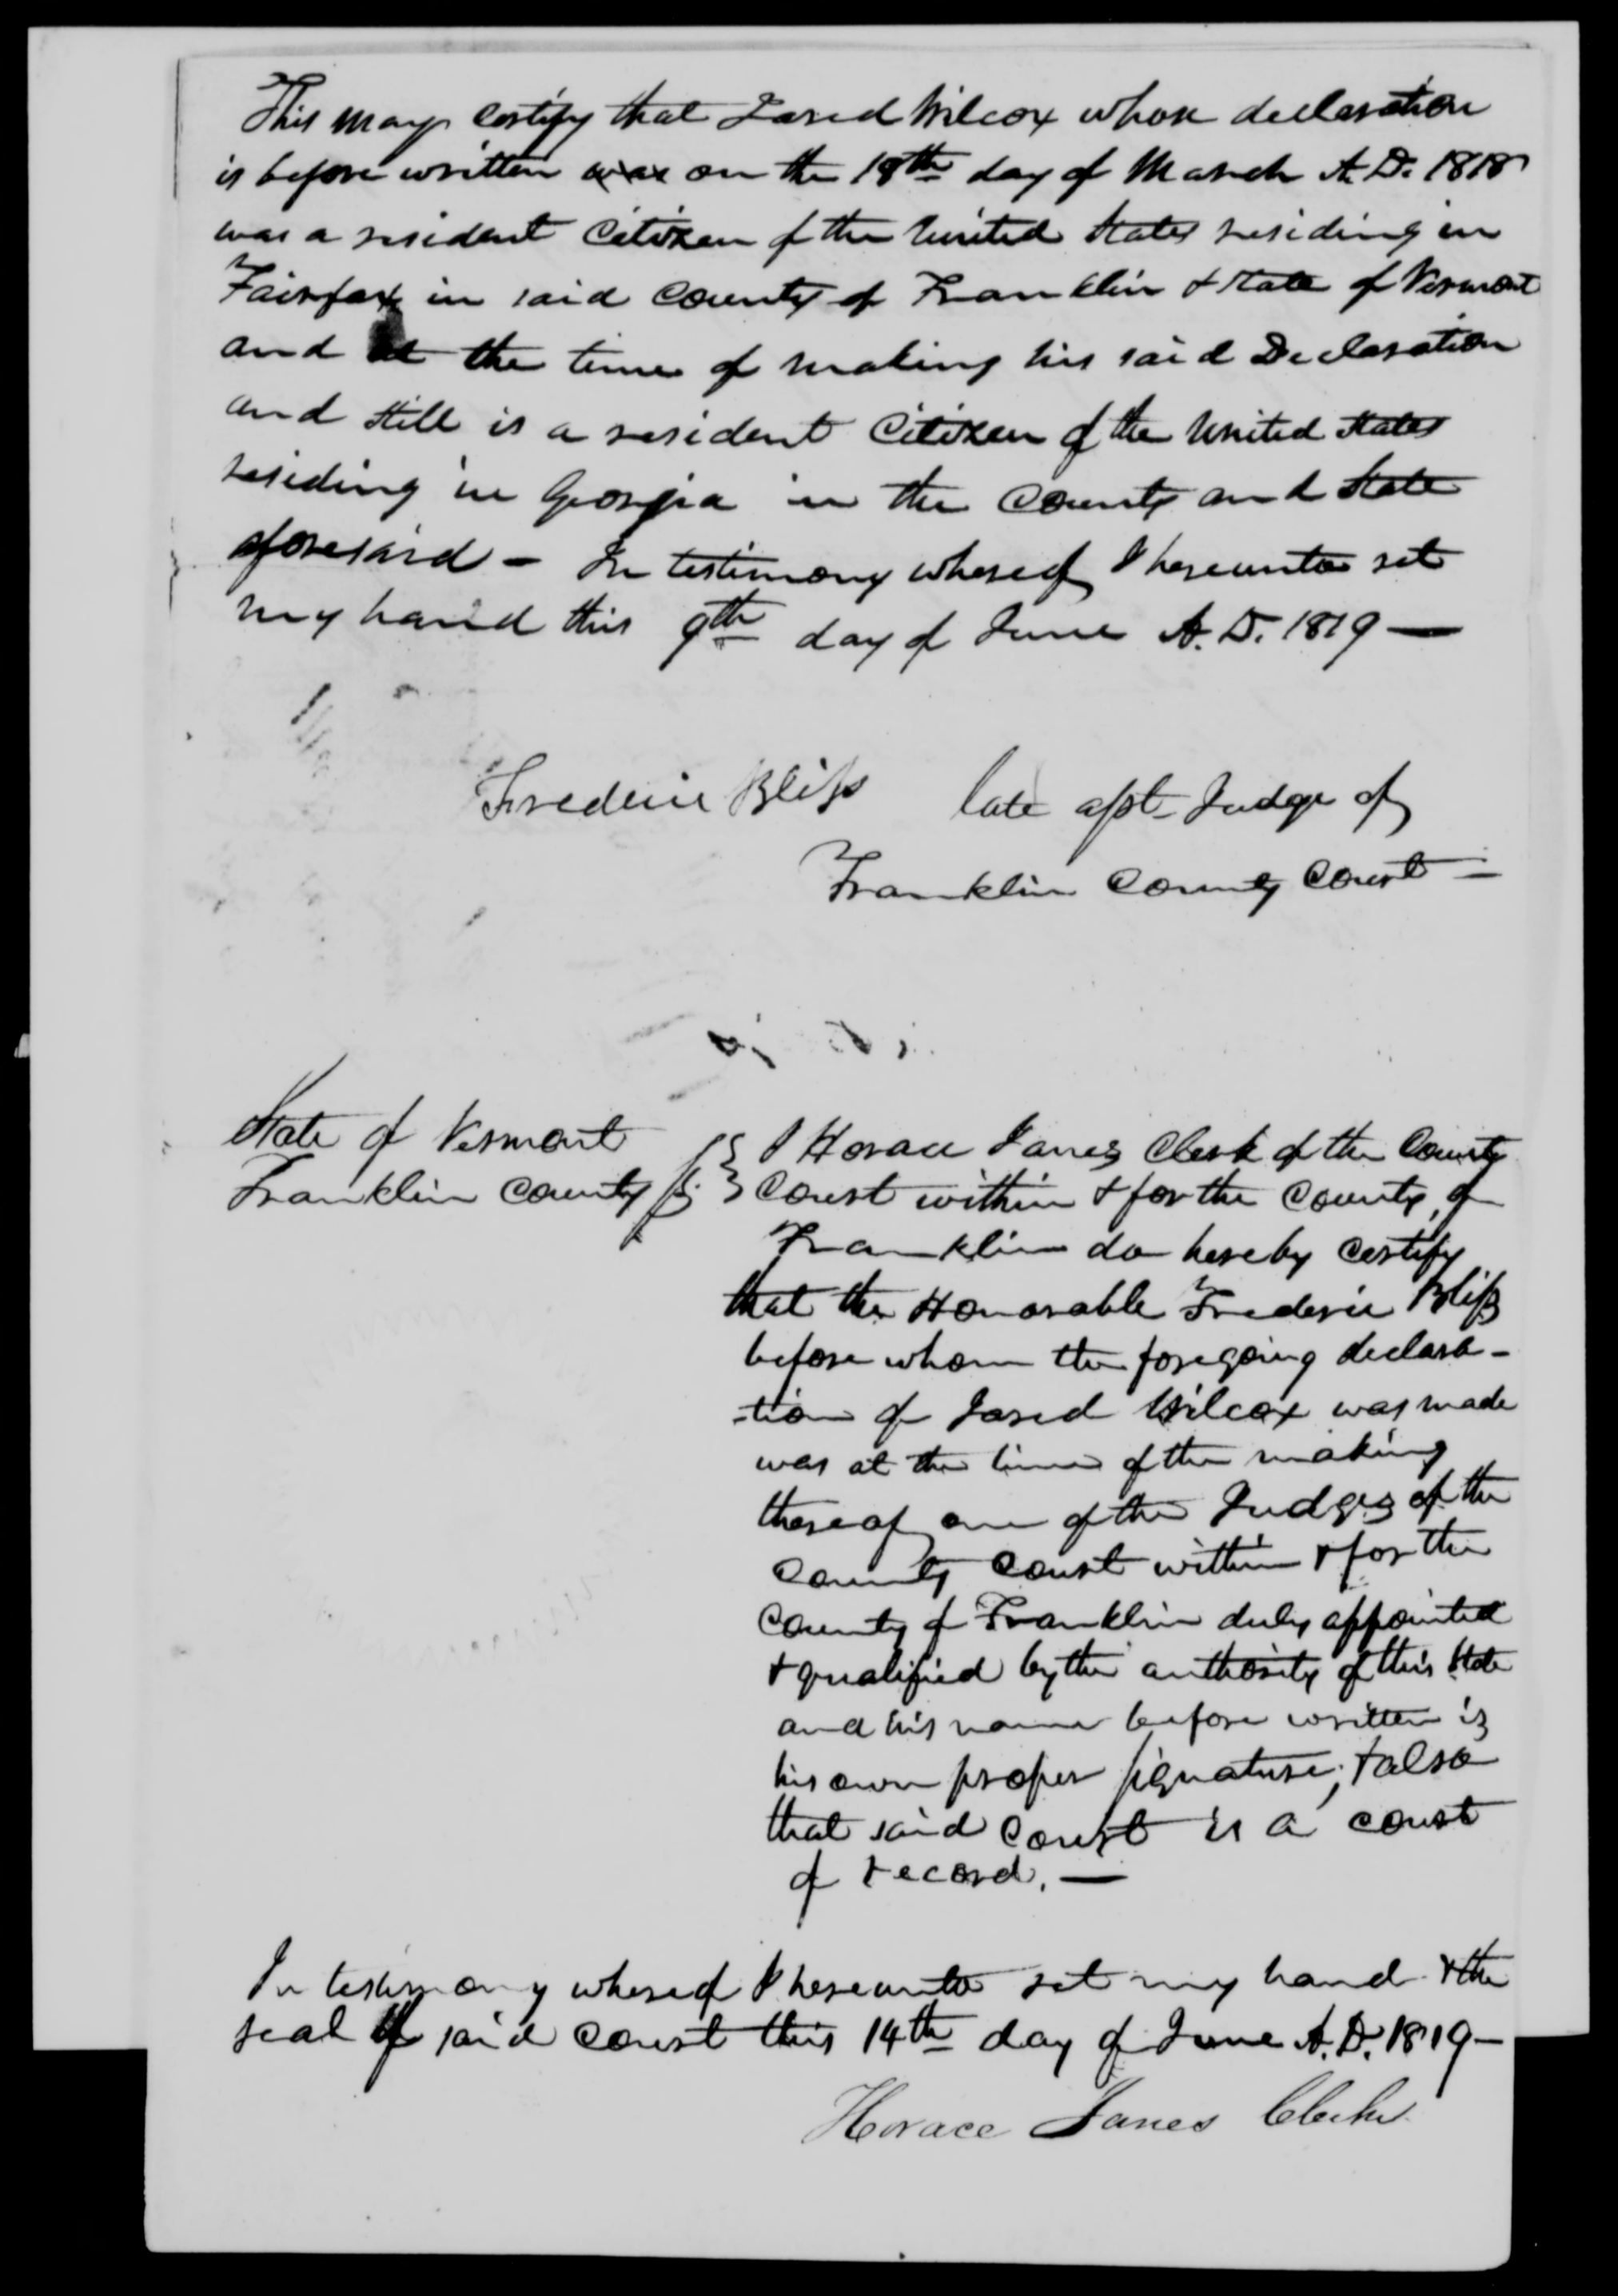This may certify that Jared Wilcox whose declaration
is before written (was = crossed out) on the 18th day of March A.D. 1818
was a resident citizen of the United States residing in
Fairfax in said county of Franklin & State of Vermont
and at the time of making his said Declaration
and still is a resident citizen of the United States
residing in Georgia in the County and State
aforesaid - In testimony whereof I hereunto set
my hand this 9th day of June A.D. 1819 --

Frederic Bliss (signature)  late asst Judge of
Franklin County Court


State of Vermont } I Horace Janes, Clerk of the County
Franklin County Ss. } Court within & for the County of
Franklin do hereby certify
that the Honorable Frederic Bliss
before whom the foregoing declaration
of Jared Wilcox was made
was at the time of the making
thereof one of the Judges of the
County Court within & for the
County of Franklin duly appointed
& qualified by the authority of this State
and his name before written is
his own proper signature, & also
that said Court is a court
of record. --

In testimony whereof I hereunto set my hand & the
seal of said Court this 14th day of June A.D. 1819 --
Horace Janes Clerk  (signature)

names: Horace Janes, Frederic Bliss, Jared Wilcox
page: 9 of 34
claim: survivor's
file: S. 41337, Jared Wilcox, Continental Mass.